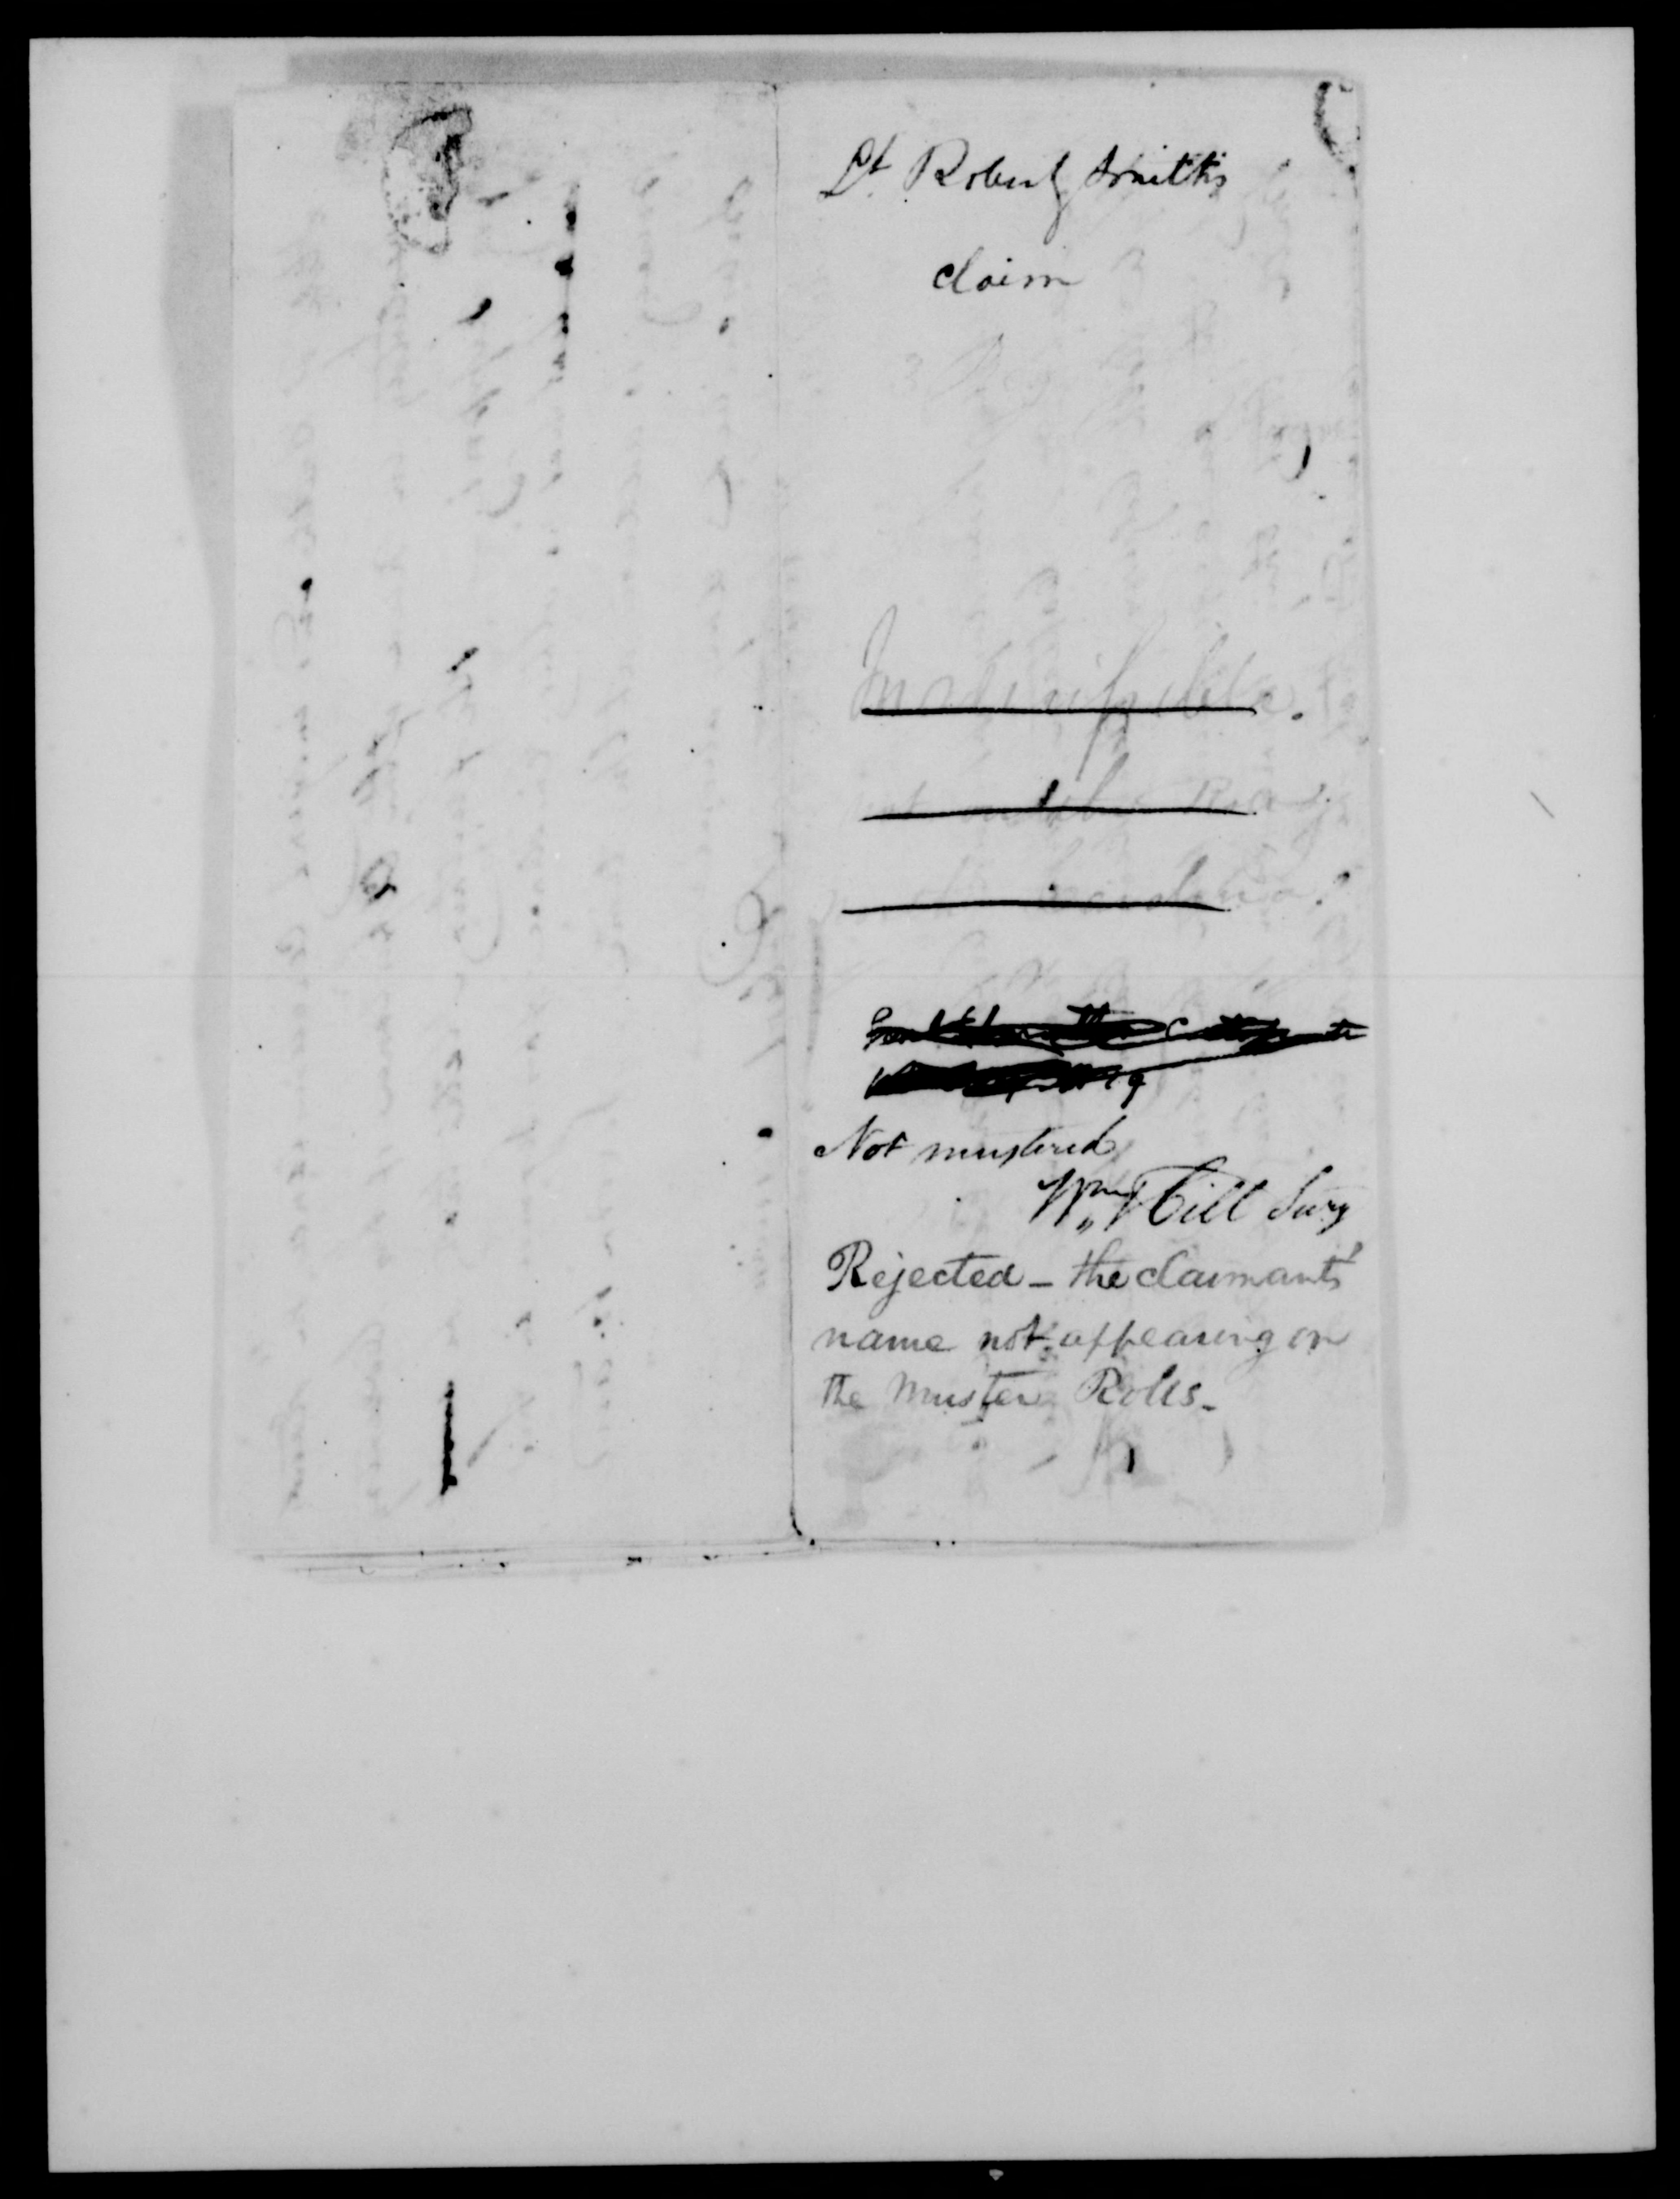Lt Robert Smith
claim
[4 lines crossed out - not transcribed]

Not mustered
Wm Hill [illegible]
Rejected_ the claimants
name not appearing on
the Muster Rolls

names: Robert Smith; Wm Hill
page: 24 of 79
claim: widow's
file: W. 1504, for Robert Smith, North Carolina